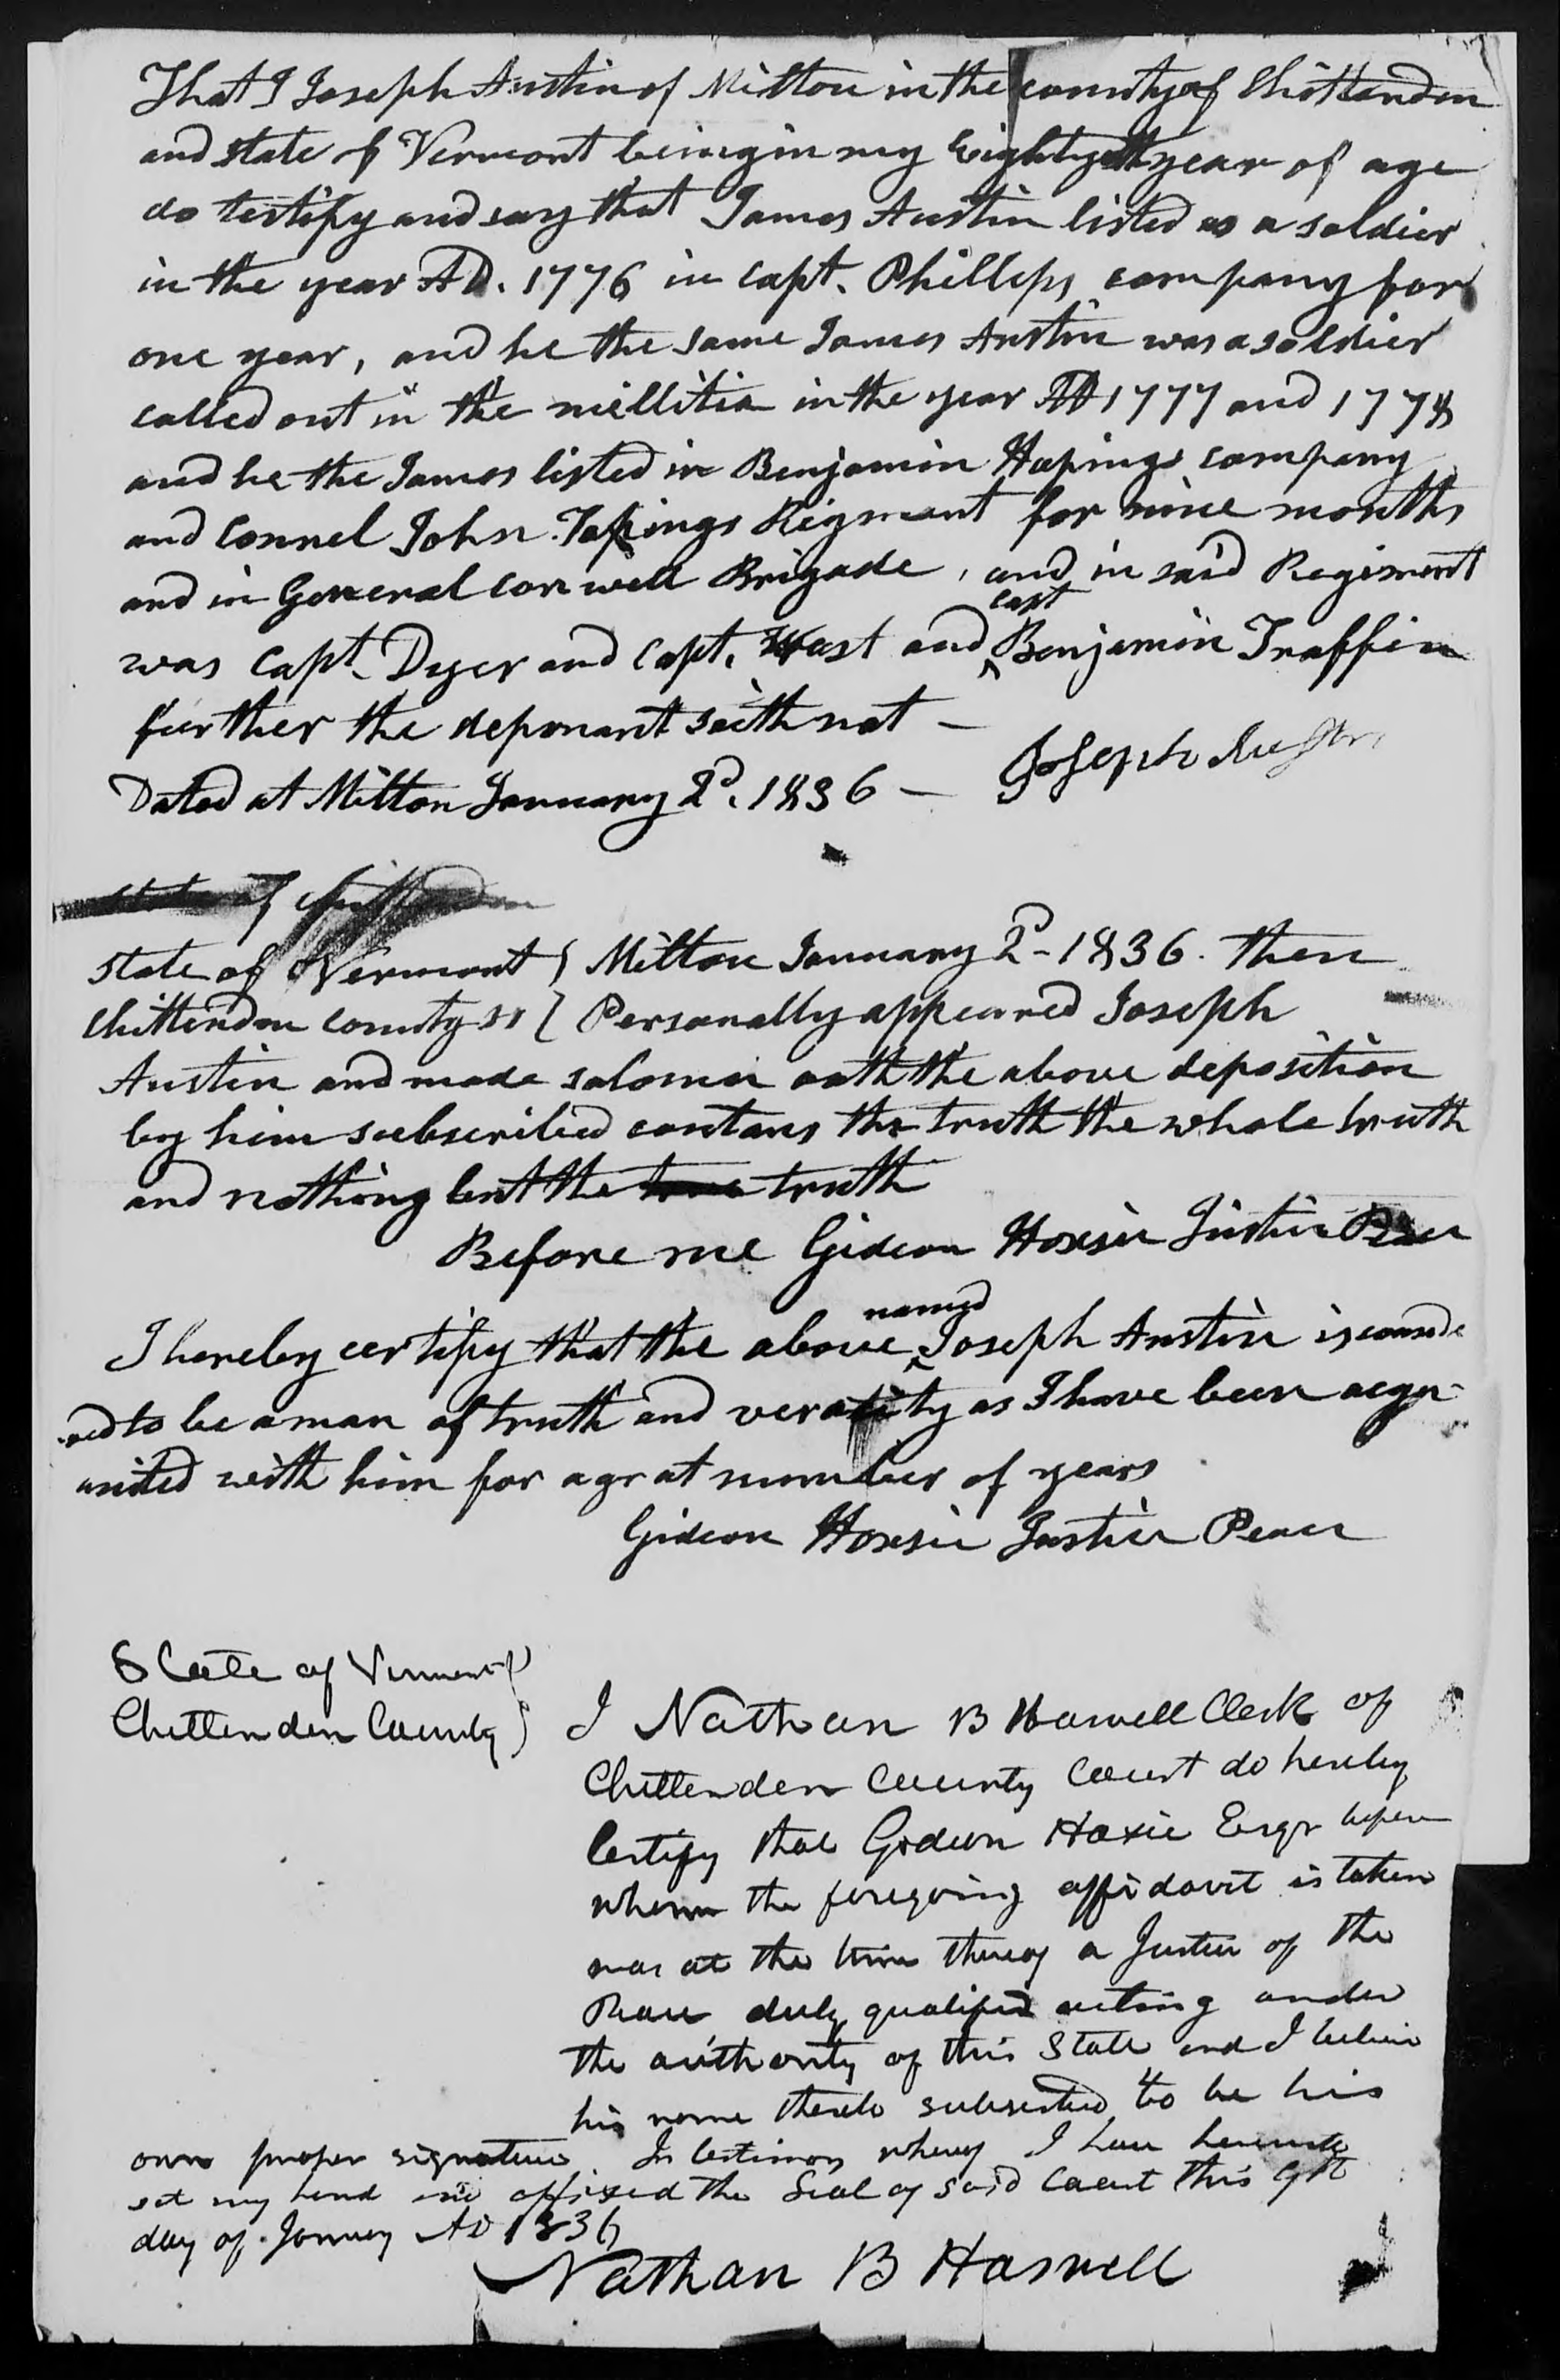That I Joseph Austin of Mitton in the county of Chittenden and State of Vermont being in my eightyth (sic) year of age do testify and say that James Austin listed as a soldier in the year AD. 1776 in Capt. Phillips company for one year, and he the same James Austin was a soldier called out in the millitia in the year AD 1777 and 1778 and he the James listed in Benjamin Hopings company and Cornel John Topings Regment for nine months and in General Conwell Brigade, and in said Regiment was Capt Dyer and Capt. West and Capt  Benjamin Traffin further the reponant saith not - 
Dated at Mitton January 2d, 1836
Joseph Austin [signature]

State of Vermont } Mitton January 2d - 
Chittenden County ss} 1836 then personally appeared Joseph Austin and made solemn oath the above deposition by him subscribed contains the truth the whole truth and nothing but the truth 
Before me Gideon Hoxsie Justice Peace

I hereby certify that the above named Joseph Austin is considered to be a man of truth and veracity as I have been acquainted with him for a great number of years
Gideon Hoxsie Justice Peace

State of Vermont} I Nathan B Howell Chittenden County } of Chittenden County Court do hereby certify that Gideon Hoxie Esqr before wherein the foregoing affidavit is taken was at the time thereof a Justice of the Peace duly qualified acting under the authority of this State and I believe his name thereto subscribed to be his own proper signature. In testimony whereof I have hereunto set my hand and affixed the Seal of said court this 9th day of January AD 1836
Nathan B Haswell [signature]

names: Nathan B Haswell, Gideon Hoxsie, Nathan B Hawell, Gideon Hoxsie, James Austin, Joseph Austin, Joseph Austin, Joseph Austin, Gideon Hoxie, Joseph Austin, James, Benjamin Traffin, James Austin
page: 82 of 100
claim: survivor's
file: S 19186, James Austin, Conn. New York R.I.